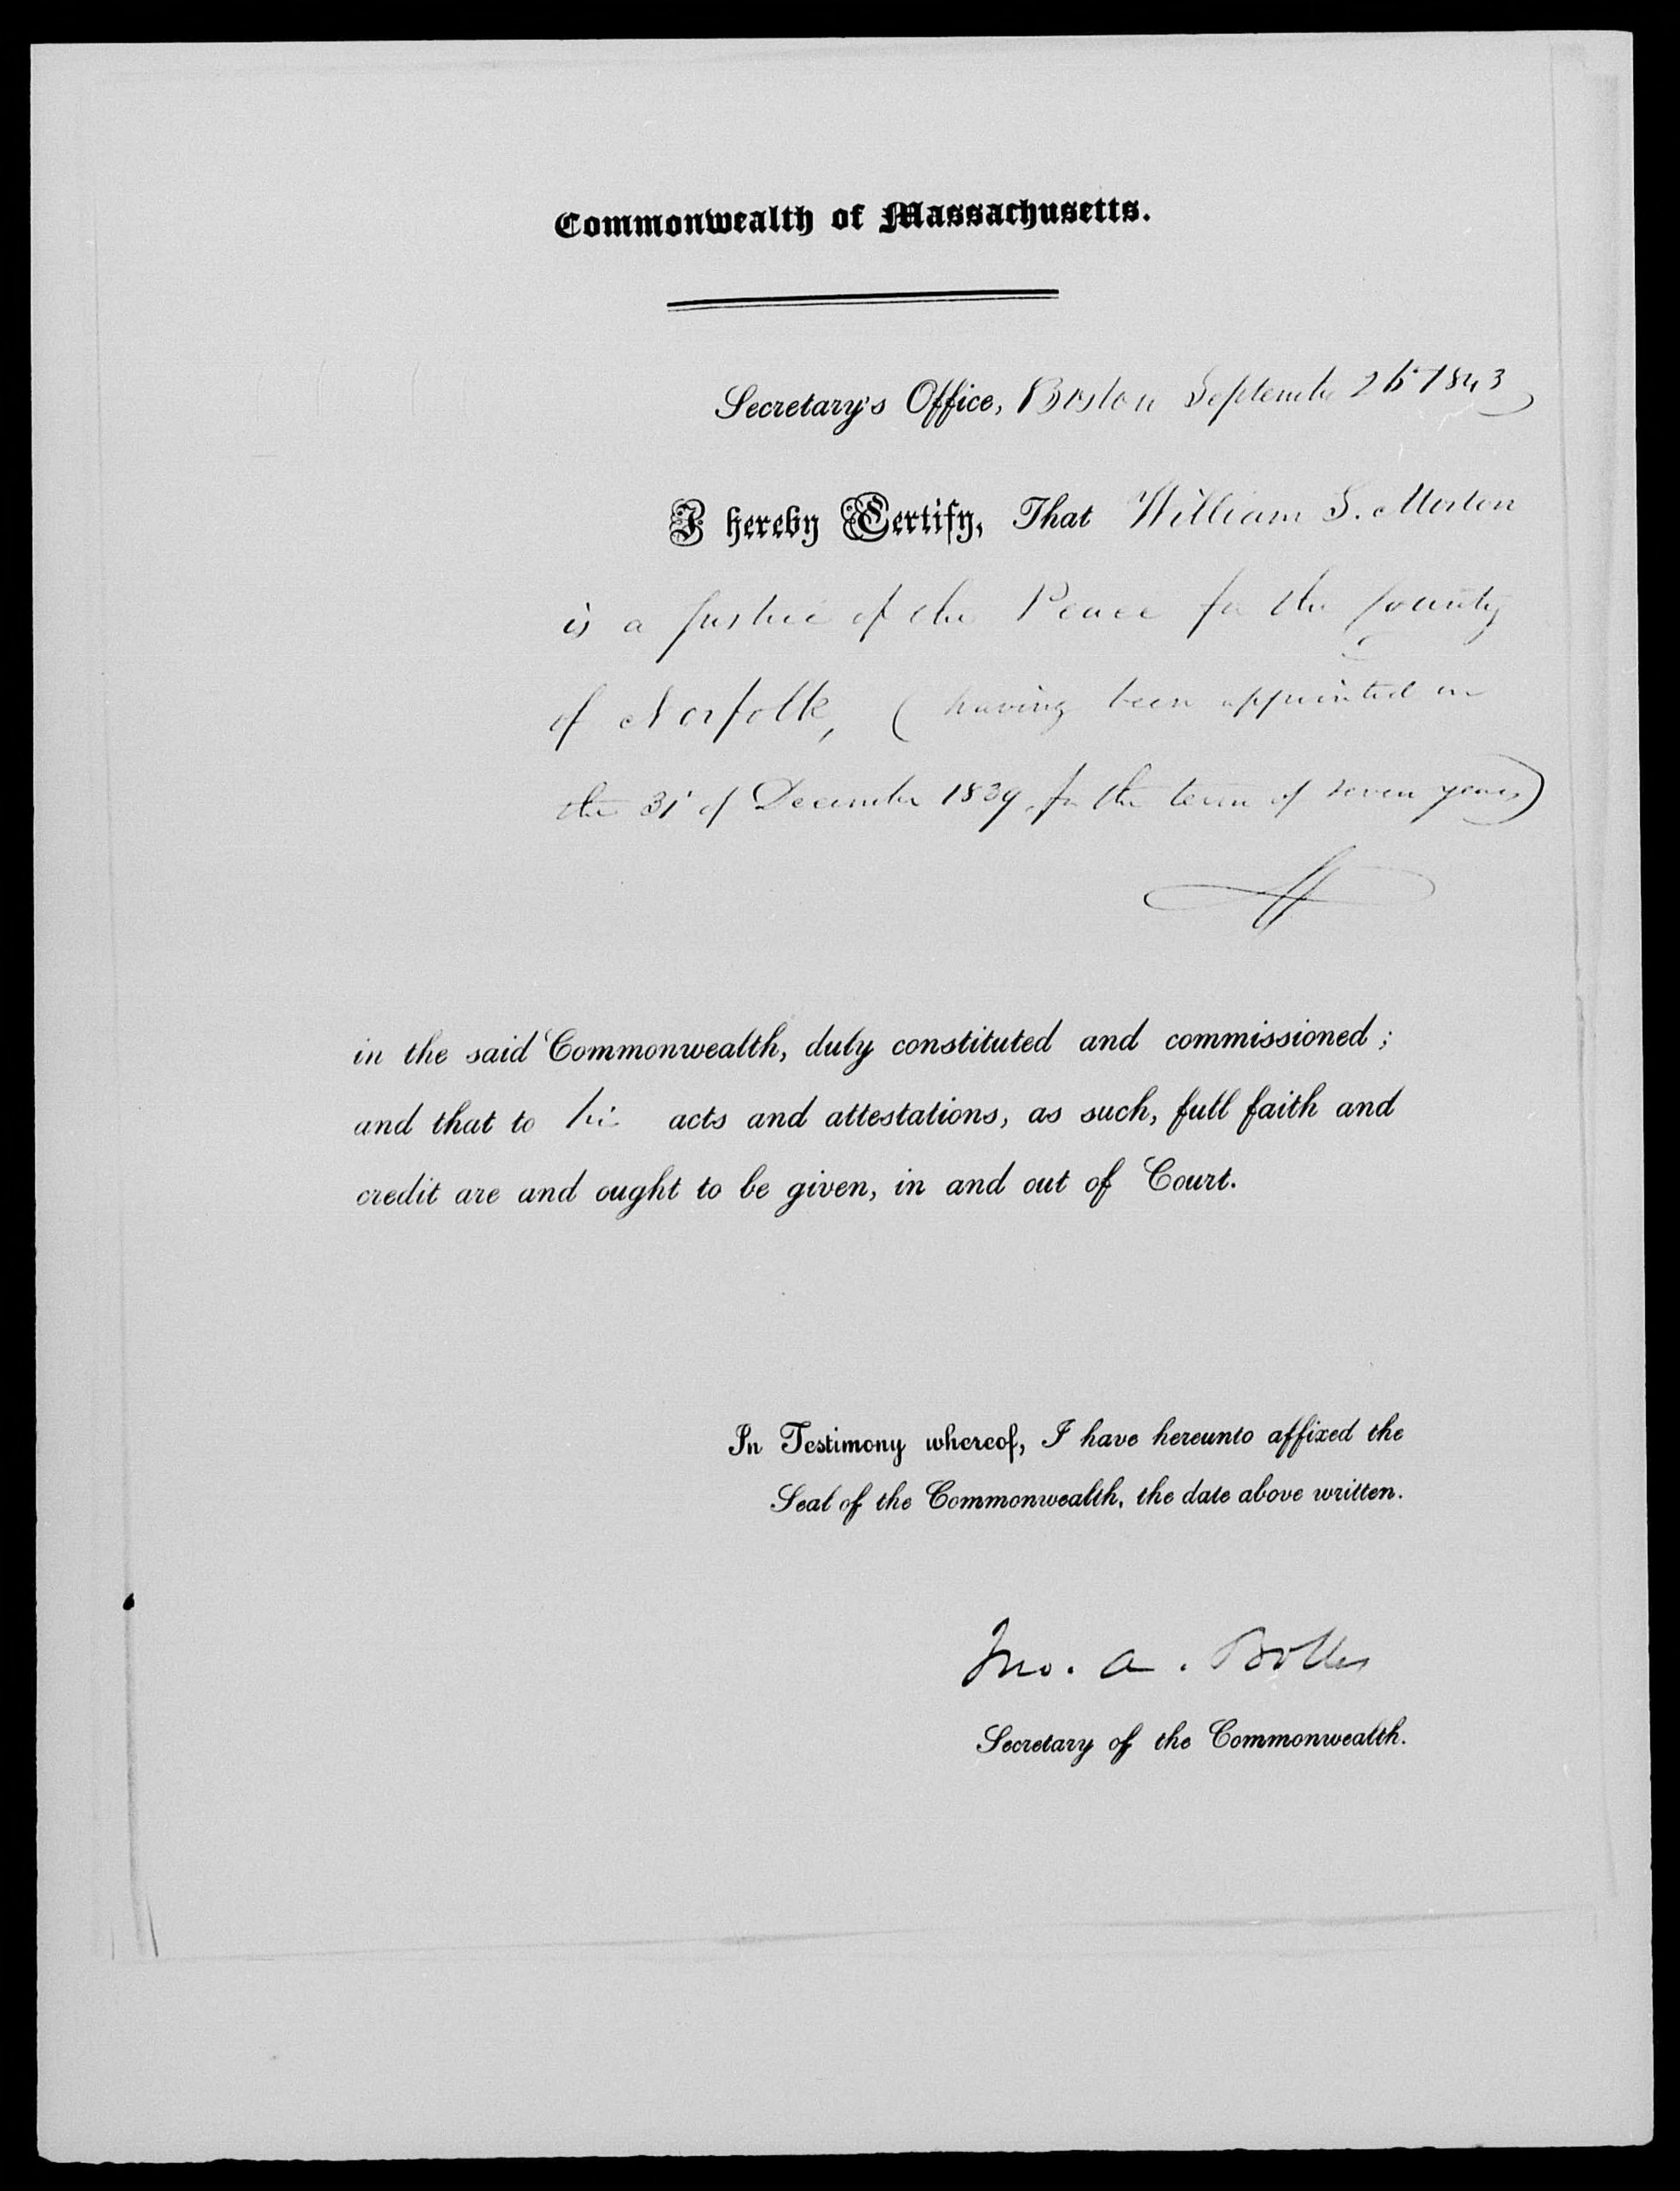Commonwealth of Massachusetts 
Secretary's Office, Boston September 26 1843
I hereby Certify that William S. Morton is a Justice of the Peace for the county of Norfolk , having been appointed on the 31' of December 1843 for the term of seven years, 
in the said Commonwealth, duly constituted and commissioned; and that to his acts and attestations, as such, full faith and credit are and ought to be given, in and out of Court. 
In Testimony whereof, I have hereunto affixed the Seal of the Commonwealth, the date above written. [illegible] A.  Bolles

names: Jno A Bolles, William S Morton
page: 38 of 46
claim: widow's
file: W. 23,673, John Brisler, Mass.